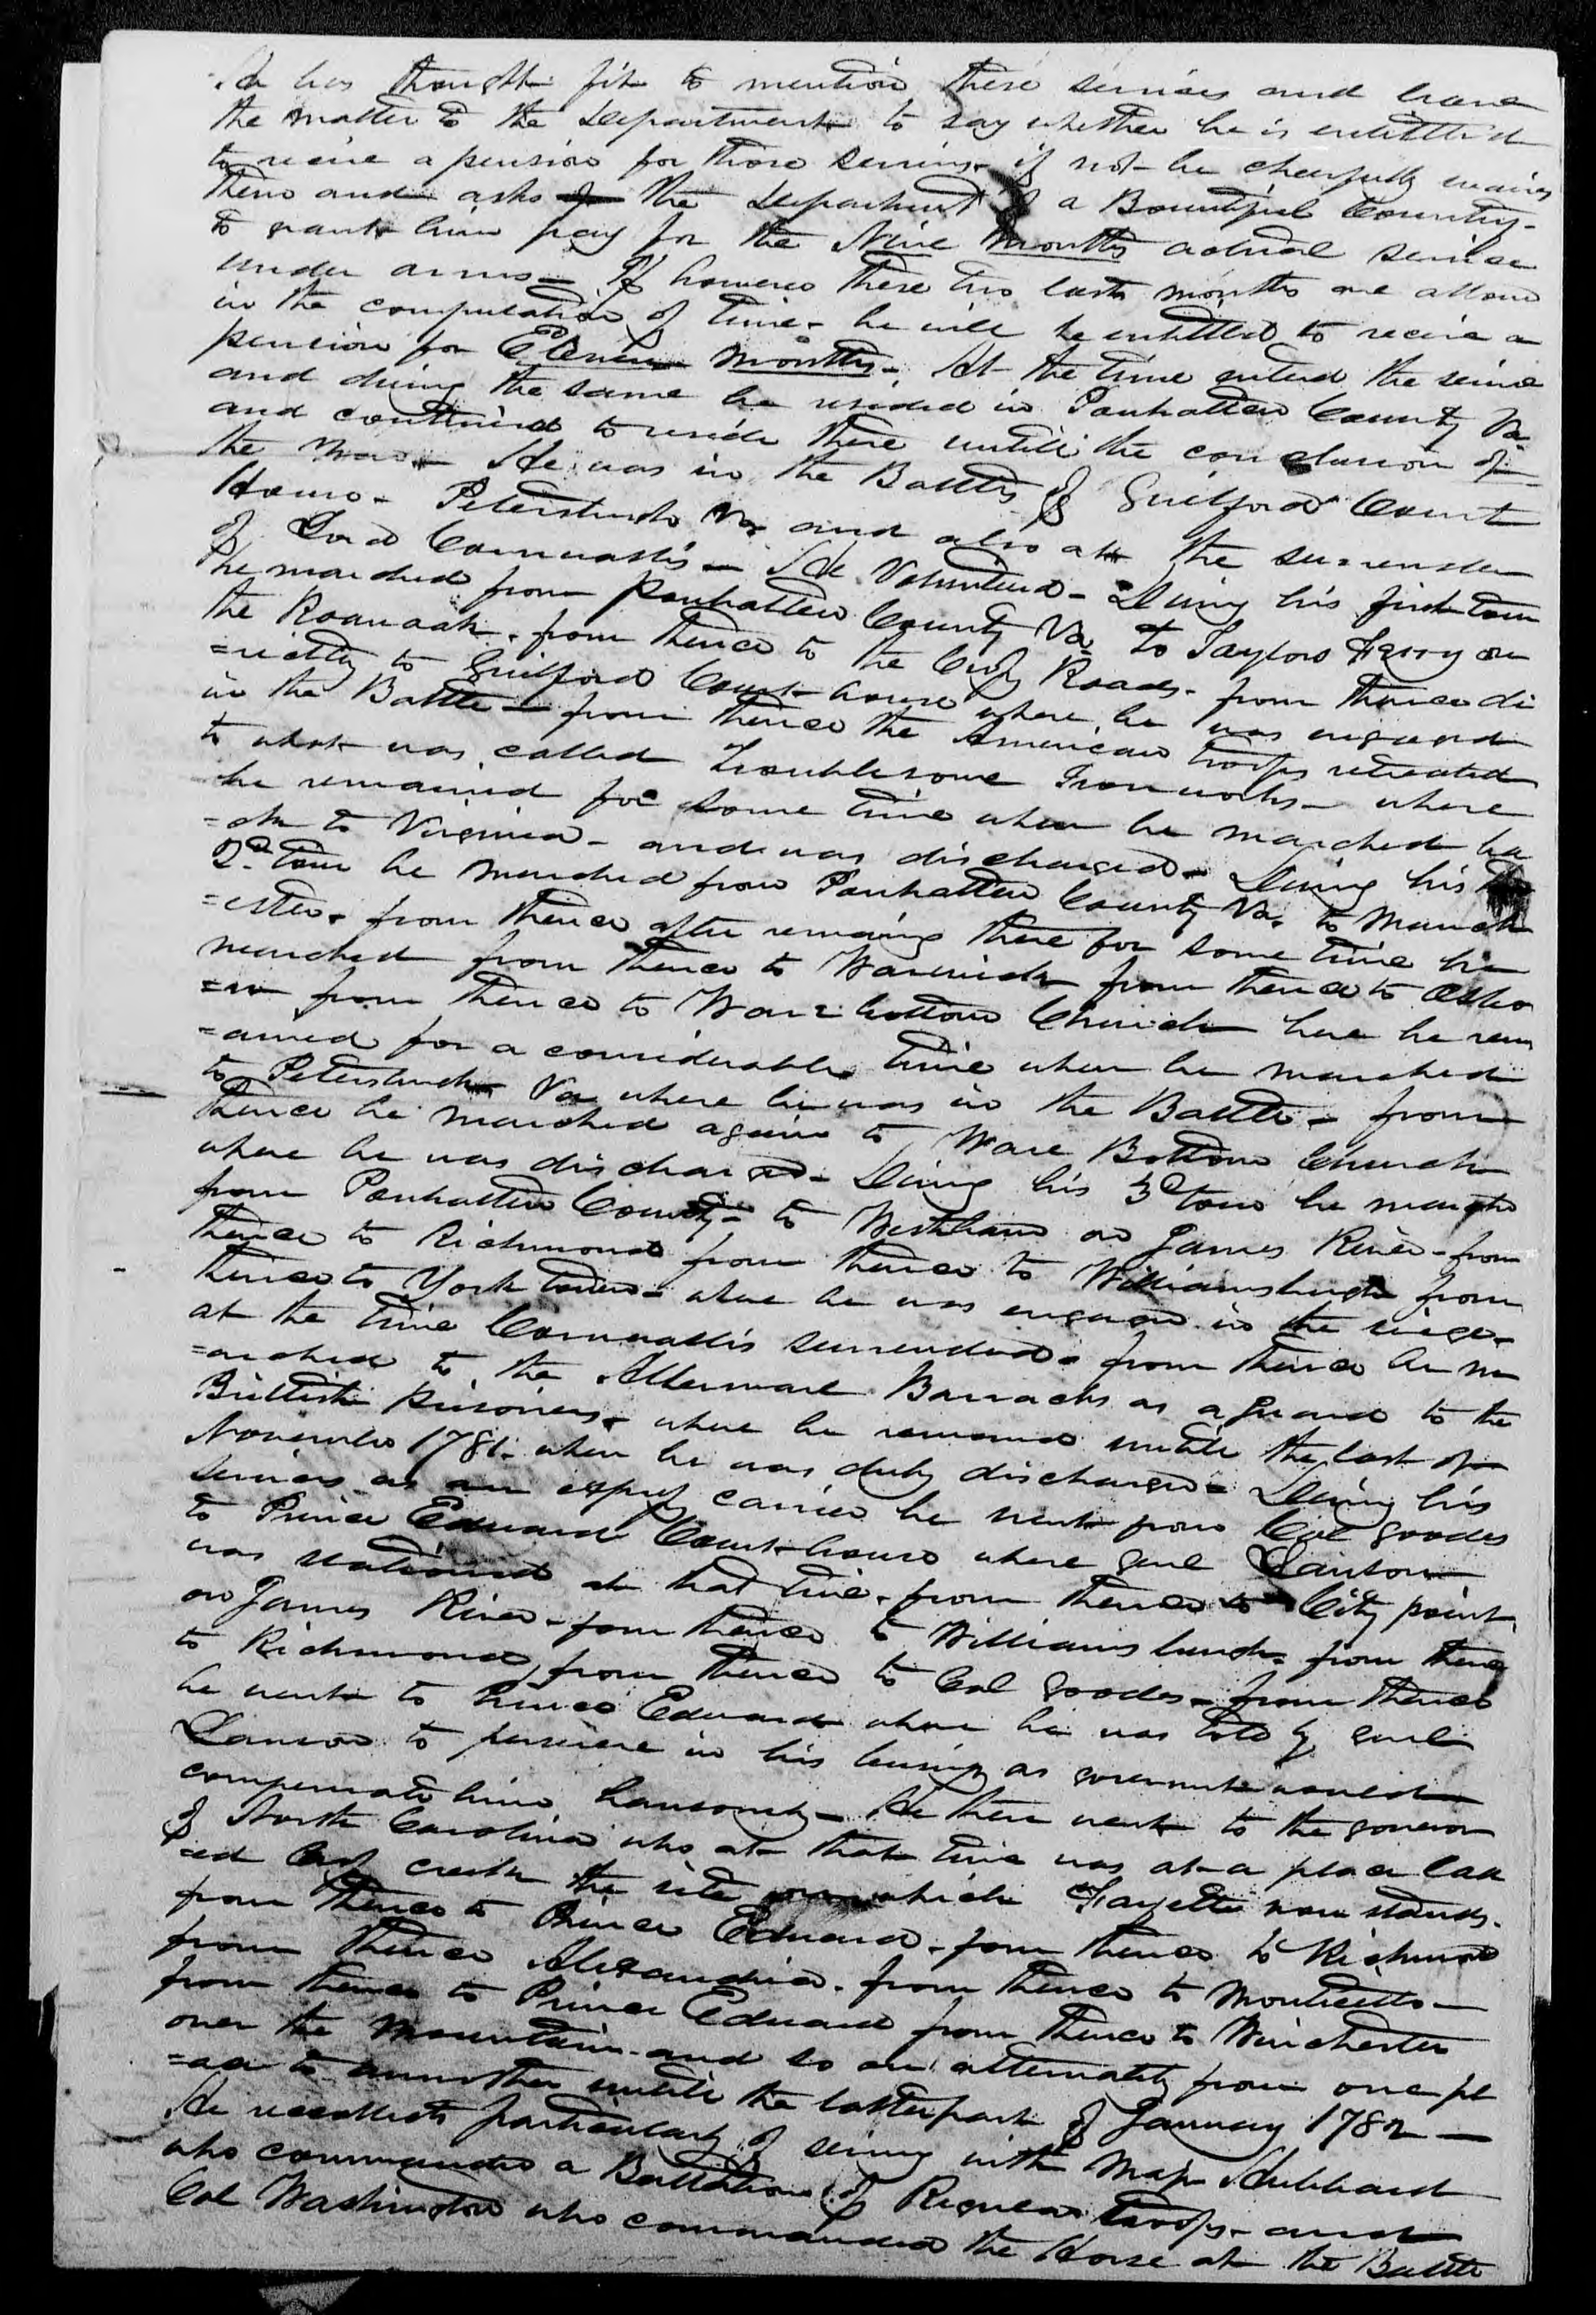He has thought fit to mention here services and hand the matter to the Department to say whether he is entitled to recive a pension for those services.  if not - he cheerfully waives them and asks the Department of a Bountiful Country to grant him pay for the nine months actual service under arms - If however these two last months are allow in the computation of time - he will be entitled to recive a pension for Eleven months.  At the time entered the service and during the same he resided in Powhattan County Va and continued to reside there until the conclusion of the war - He was in the Battle of Guilford Court House - Petersburgh Va. and also at the surrender of Lord Cornwallis - He volunteered  - during his first tour he marched from Powhatten County Va. to Taylors Ferry on the Roanoak - from thence to the [illegible] Roads - from thence directly to Guilford Court house where he was engaged in the Battle - from thence the American troops retreated to what was called Troublesome Iron works - where he remained for some time when he marched back to Virginia - and was discharged.  During his 2nd tour he marched from Powhatten County Va. to Manchester - from thence after removing there for some time he marched from thence to Barwick - from there to Aston - from thence to Ware Bottom Church here he remained for a considerable time when he marched to Petersburgh Va. where he was in the Battle - from thence he marched again to Ware Bottom Church where he was discharged - During his 3rd tour he marched from Powhatten County to Westham on James River - from thence to Richmond from thence to Williamsburg from thence to Yorktown - where he was engaged in the siege at the time Cornwallis surrendered - from thence he marched to the Albermarl Barracks as a guard to the British prisoners - where he remained until the last of November 1781.  when he was duly discharged - During his service as an express carrier he went from Col. Goodes to Prince Edward Courthouse when Genl Sansom was stationed at that time - from thence to City Point on James River - from thencee to Williamsburgh - from thence to Richmond, from thence to Col Goodes - from thence he went to Prince Edward where he was told by Genl Lanson to [illegible] in his business as a [illegible] would compensate him Lansom  He then went to the governor of North Carolina who at that time was at a place called [illegible]  the site on which Fayette now stands - from thence to Prince Edward - from thence to Richmond - from thence Alexandria - from thence to Monticell0 - from thence to Prince Edward from thence to Winchester over the mountains - and so on alternately from one place to another untill the latter part of January 1782 - He recollects particularly of serving with Max Hubbard who commanded a Battalion of Regular troops and Col. Washington who commanded the Horse at the Battle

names: Prince Edward, Prince Edward, Prince Edward, Hubbard, Washington, Prince Edward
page: 4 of 31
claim: survivor's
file: S. 3049, William G Bryant, Va.